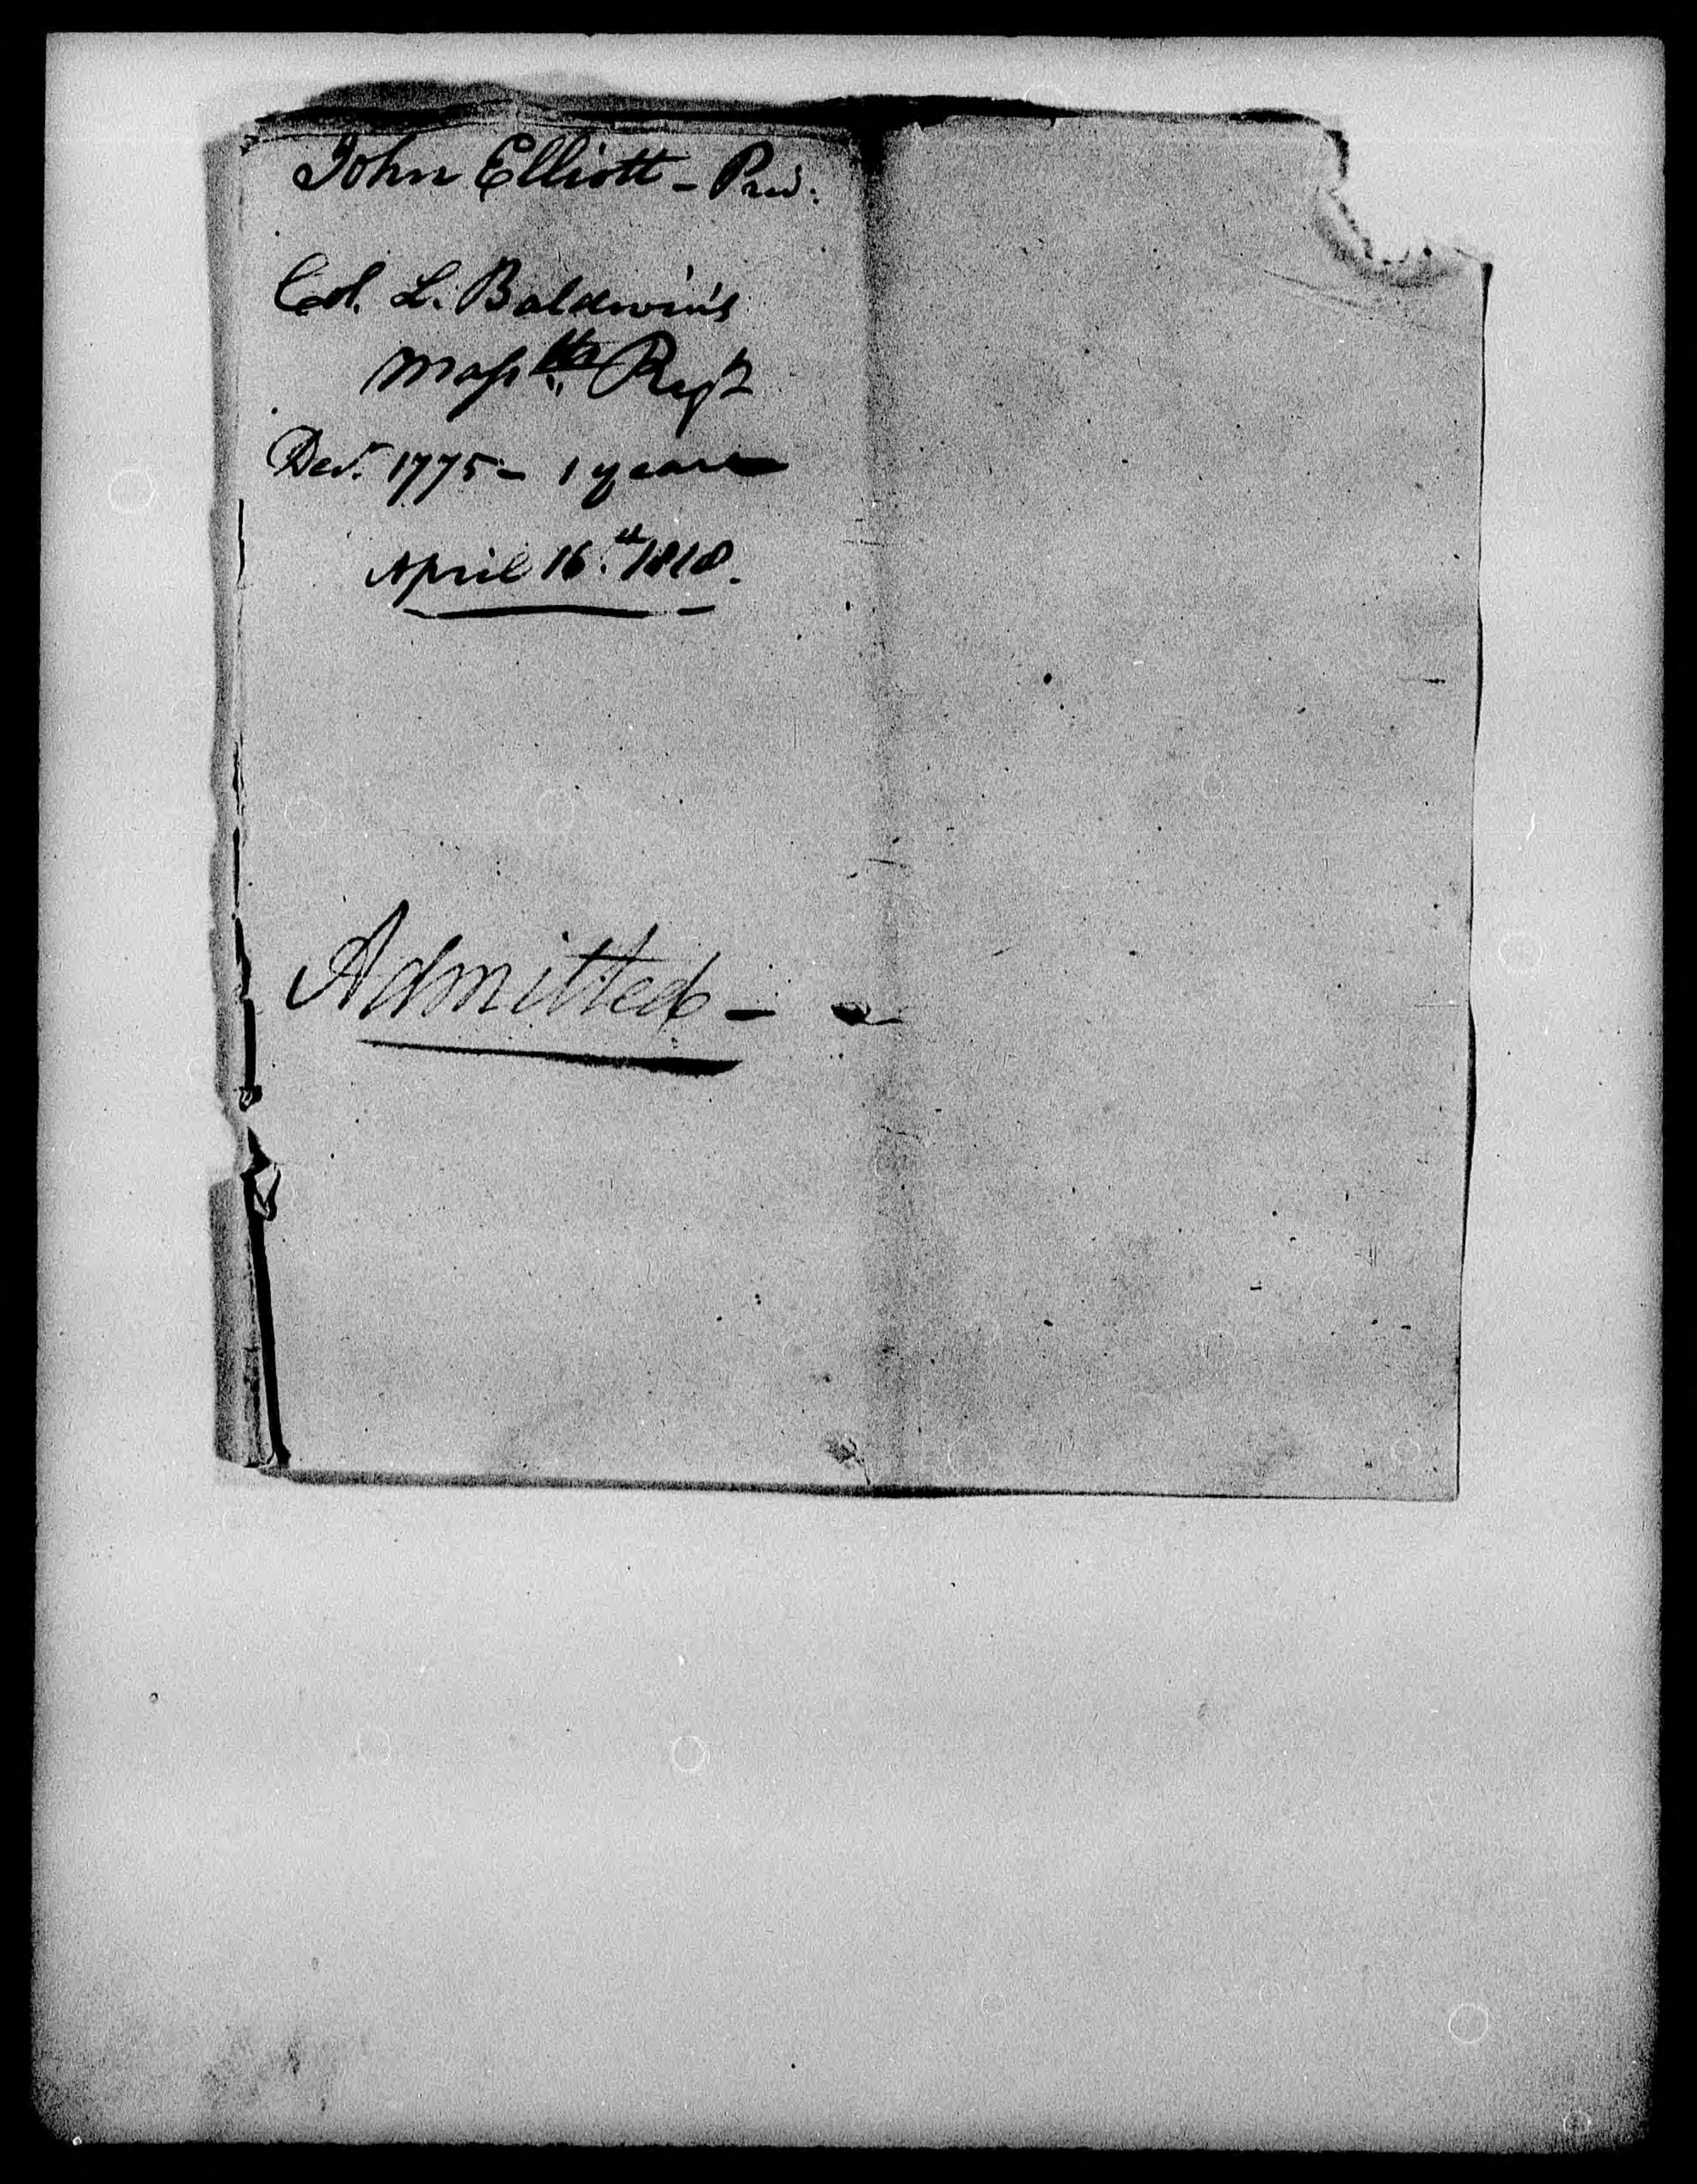John Elliott- Priv
Col. L. Baldwin's
Mass Reg
Decr 1775 - 1 year
April 16th 1818
Admitted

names: John Elliott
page: 33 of 57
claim: widow's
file: W. 16,114, John Elliot, Continental (Mass) N.H.